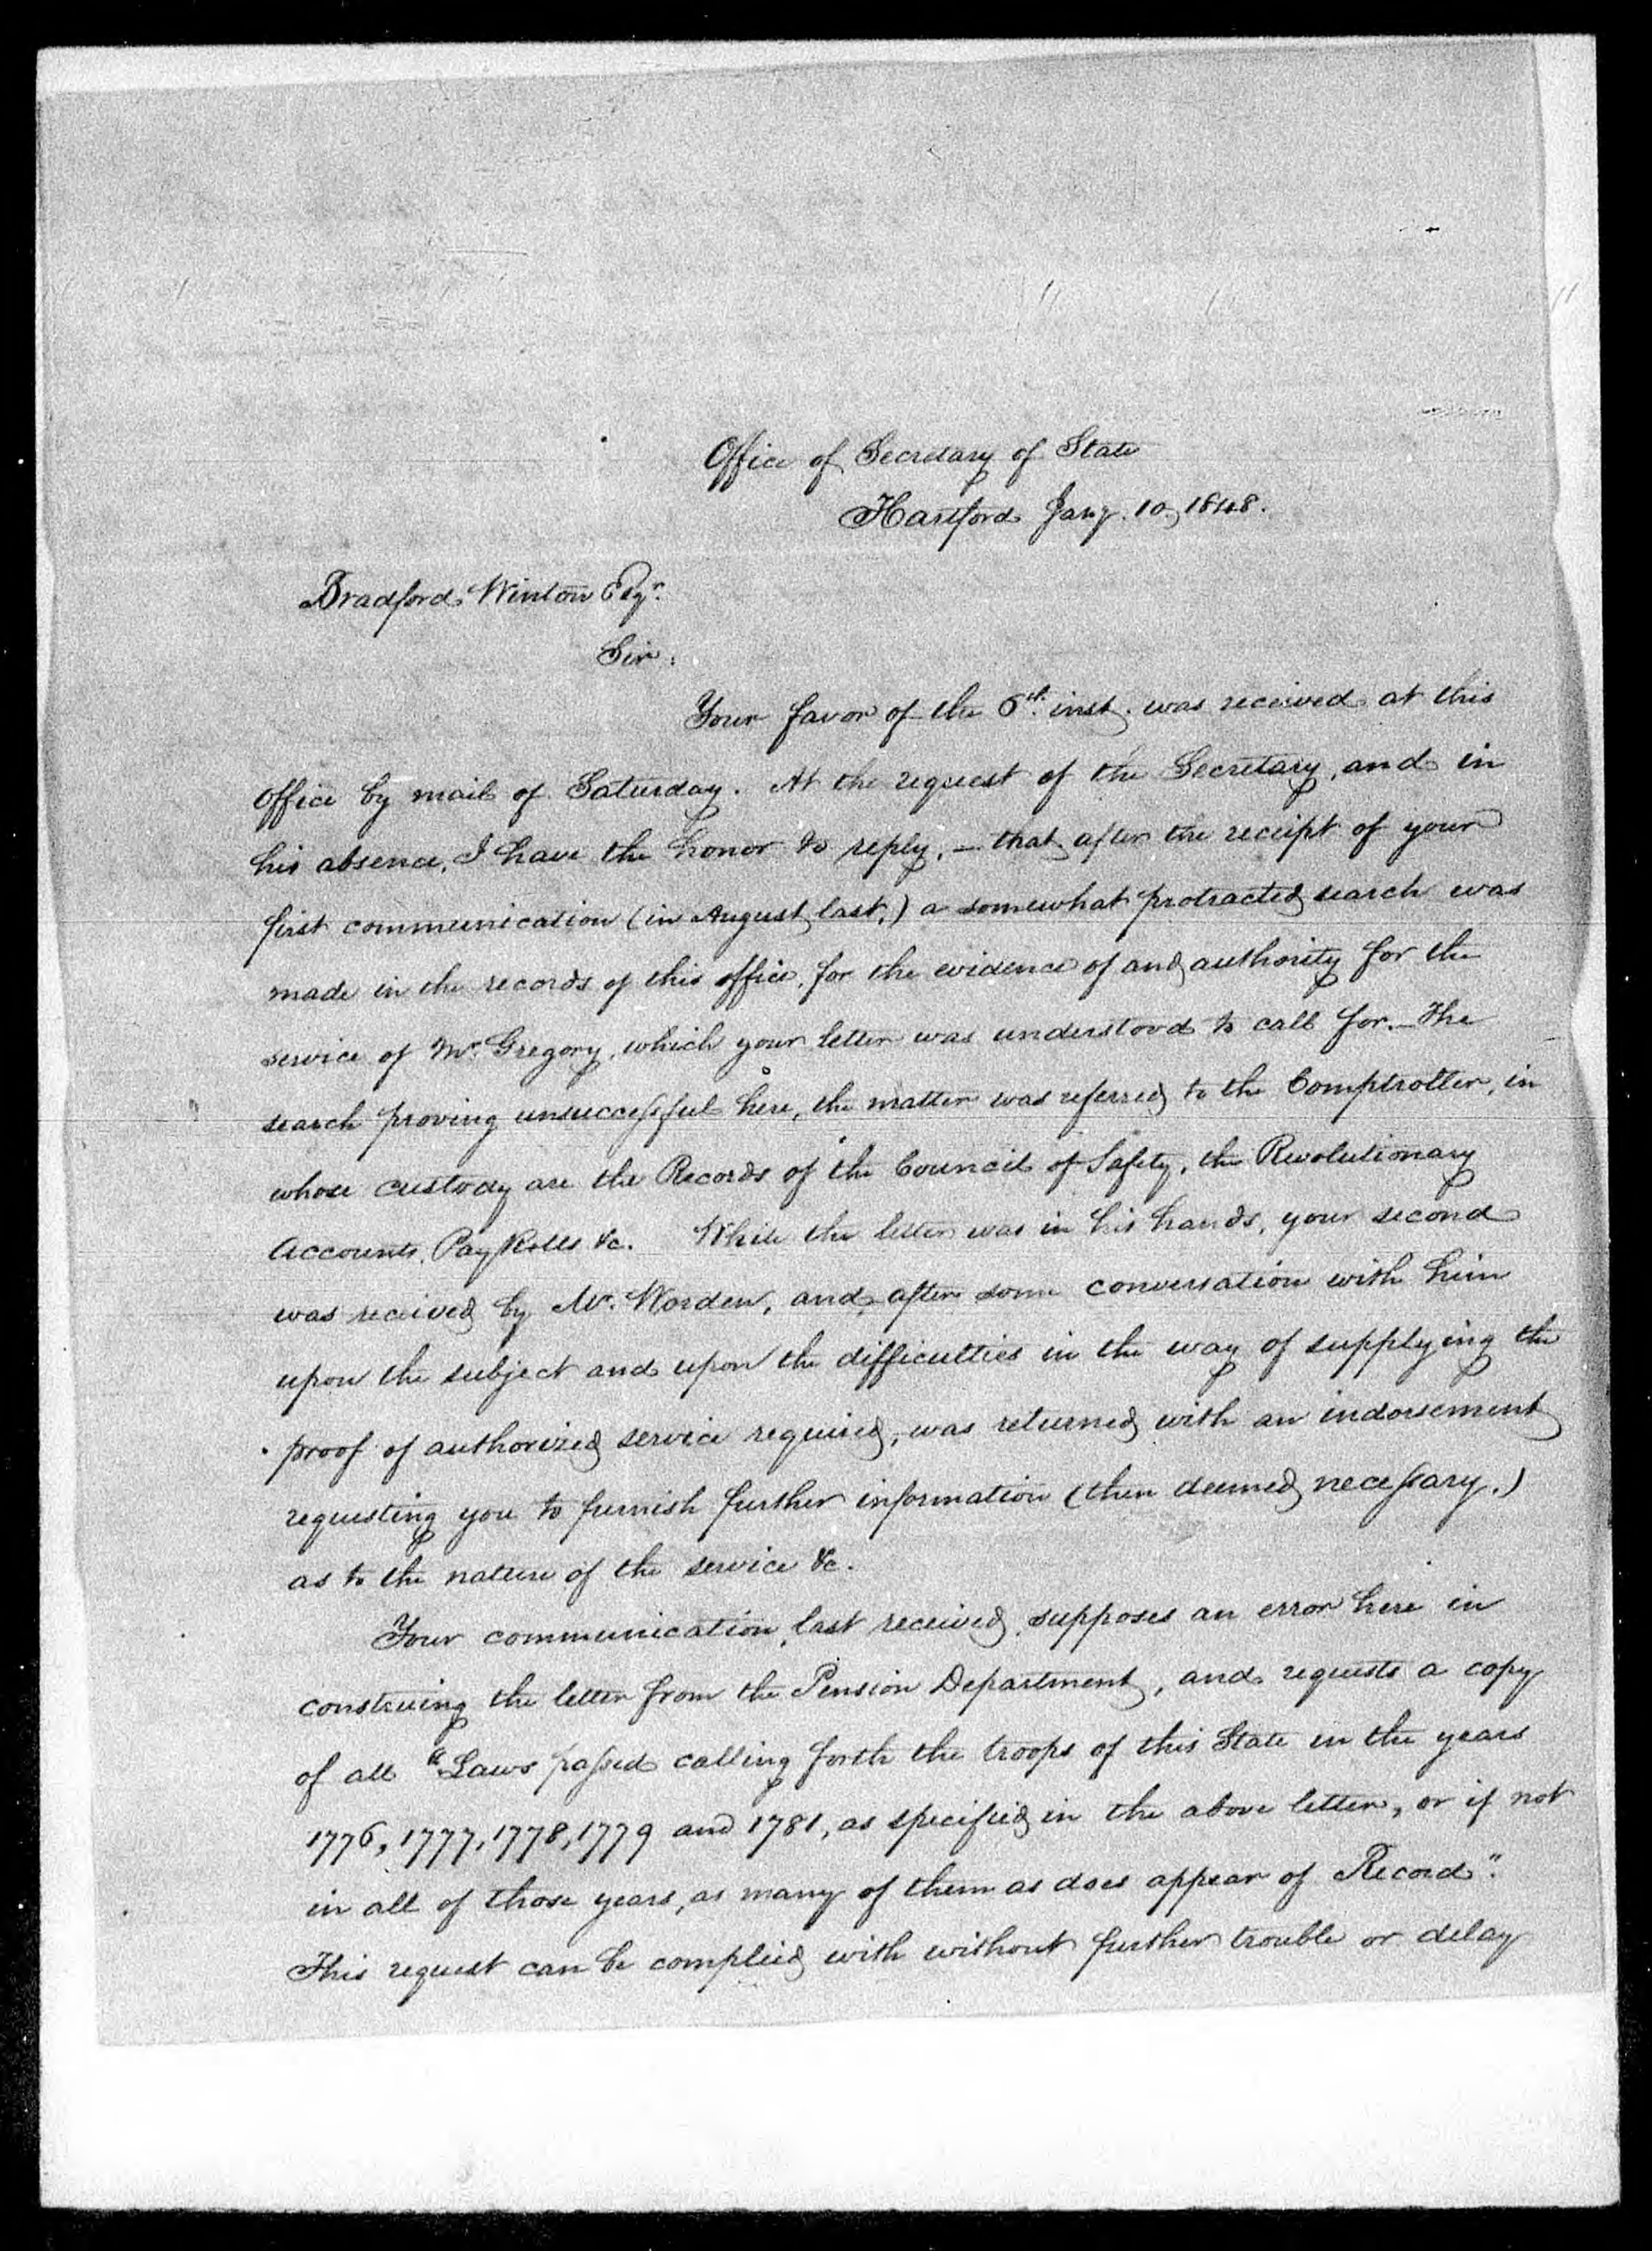Office of Secretary of State
                                 Hartford July 10, 1848.
Bradford Winton Esq.
           Sir.
                Your favor of the 6th inst. was received at this Office by mail of Saturday. At the request of the Secretary, and in his absence, I have the honor to reply, - that after the receipt of your first communication (in August last,) a somewhat protracted search was made in the records of this office for the evidence of and authority for the service of Mr. Gregory, which your letter was understood to call for. - the search proving unsuccessful here, the matter was referred to the Comptroller, in whose custody are the Records of the Council of Safety, the Revolutionary Accounts, Payroll, etc.  While the letter was in his hands, your second was received by Mr. Worden, and after some conversation with him upon the subject and upon the difficulties in the way of supplying the proof of authorizing service required, was returned with an indorsement [sic] requesting you to furnish further information (then deemed necessary.) as to the nature of the service etc.
  Your communication last received supposes an error here in  construing the letter from the Pension Department, and requests a copy of all "Laws passed calling forth the troops of this State in the years 1776, 1777, 1778, 1779 and 1781, as specified in the above letter, or if  not in all of those years, as many of them as does appear of Record."
This request can be complied, with without further trouble or delay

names: Gregory, Bradford Winton, Worden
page: 27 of 49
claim: widow's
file: W 24308, Josiah Gregory, Conn.